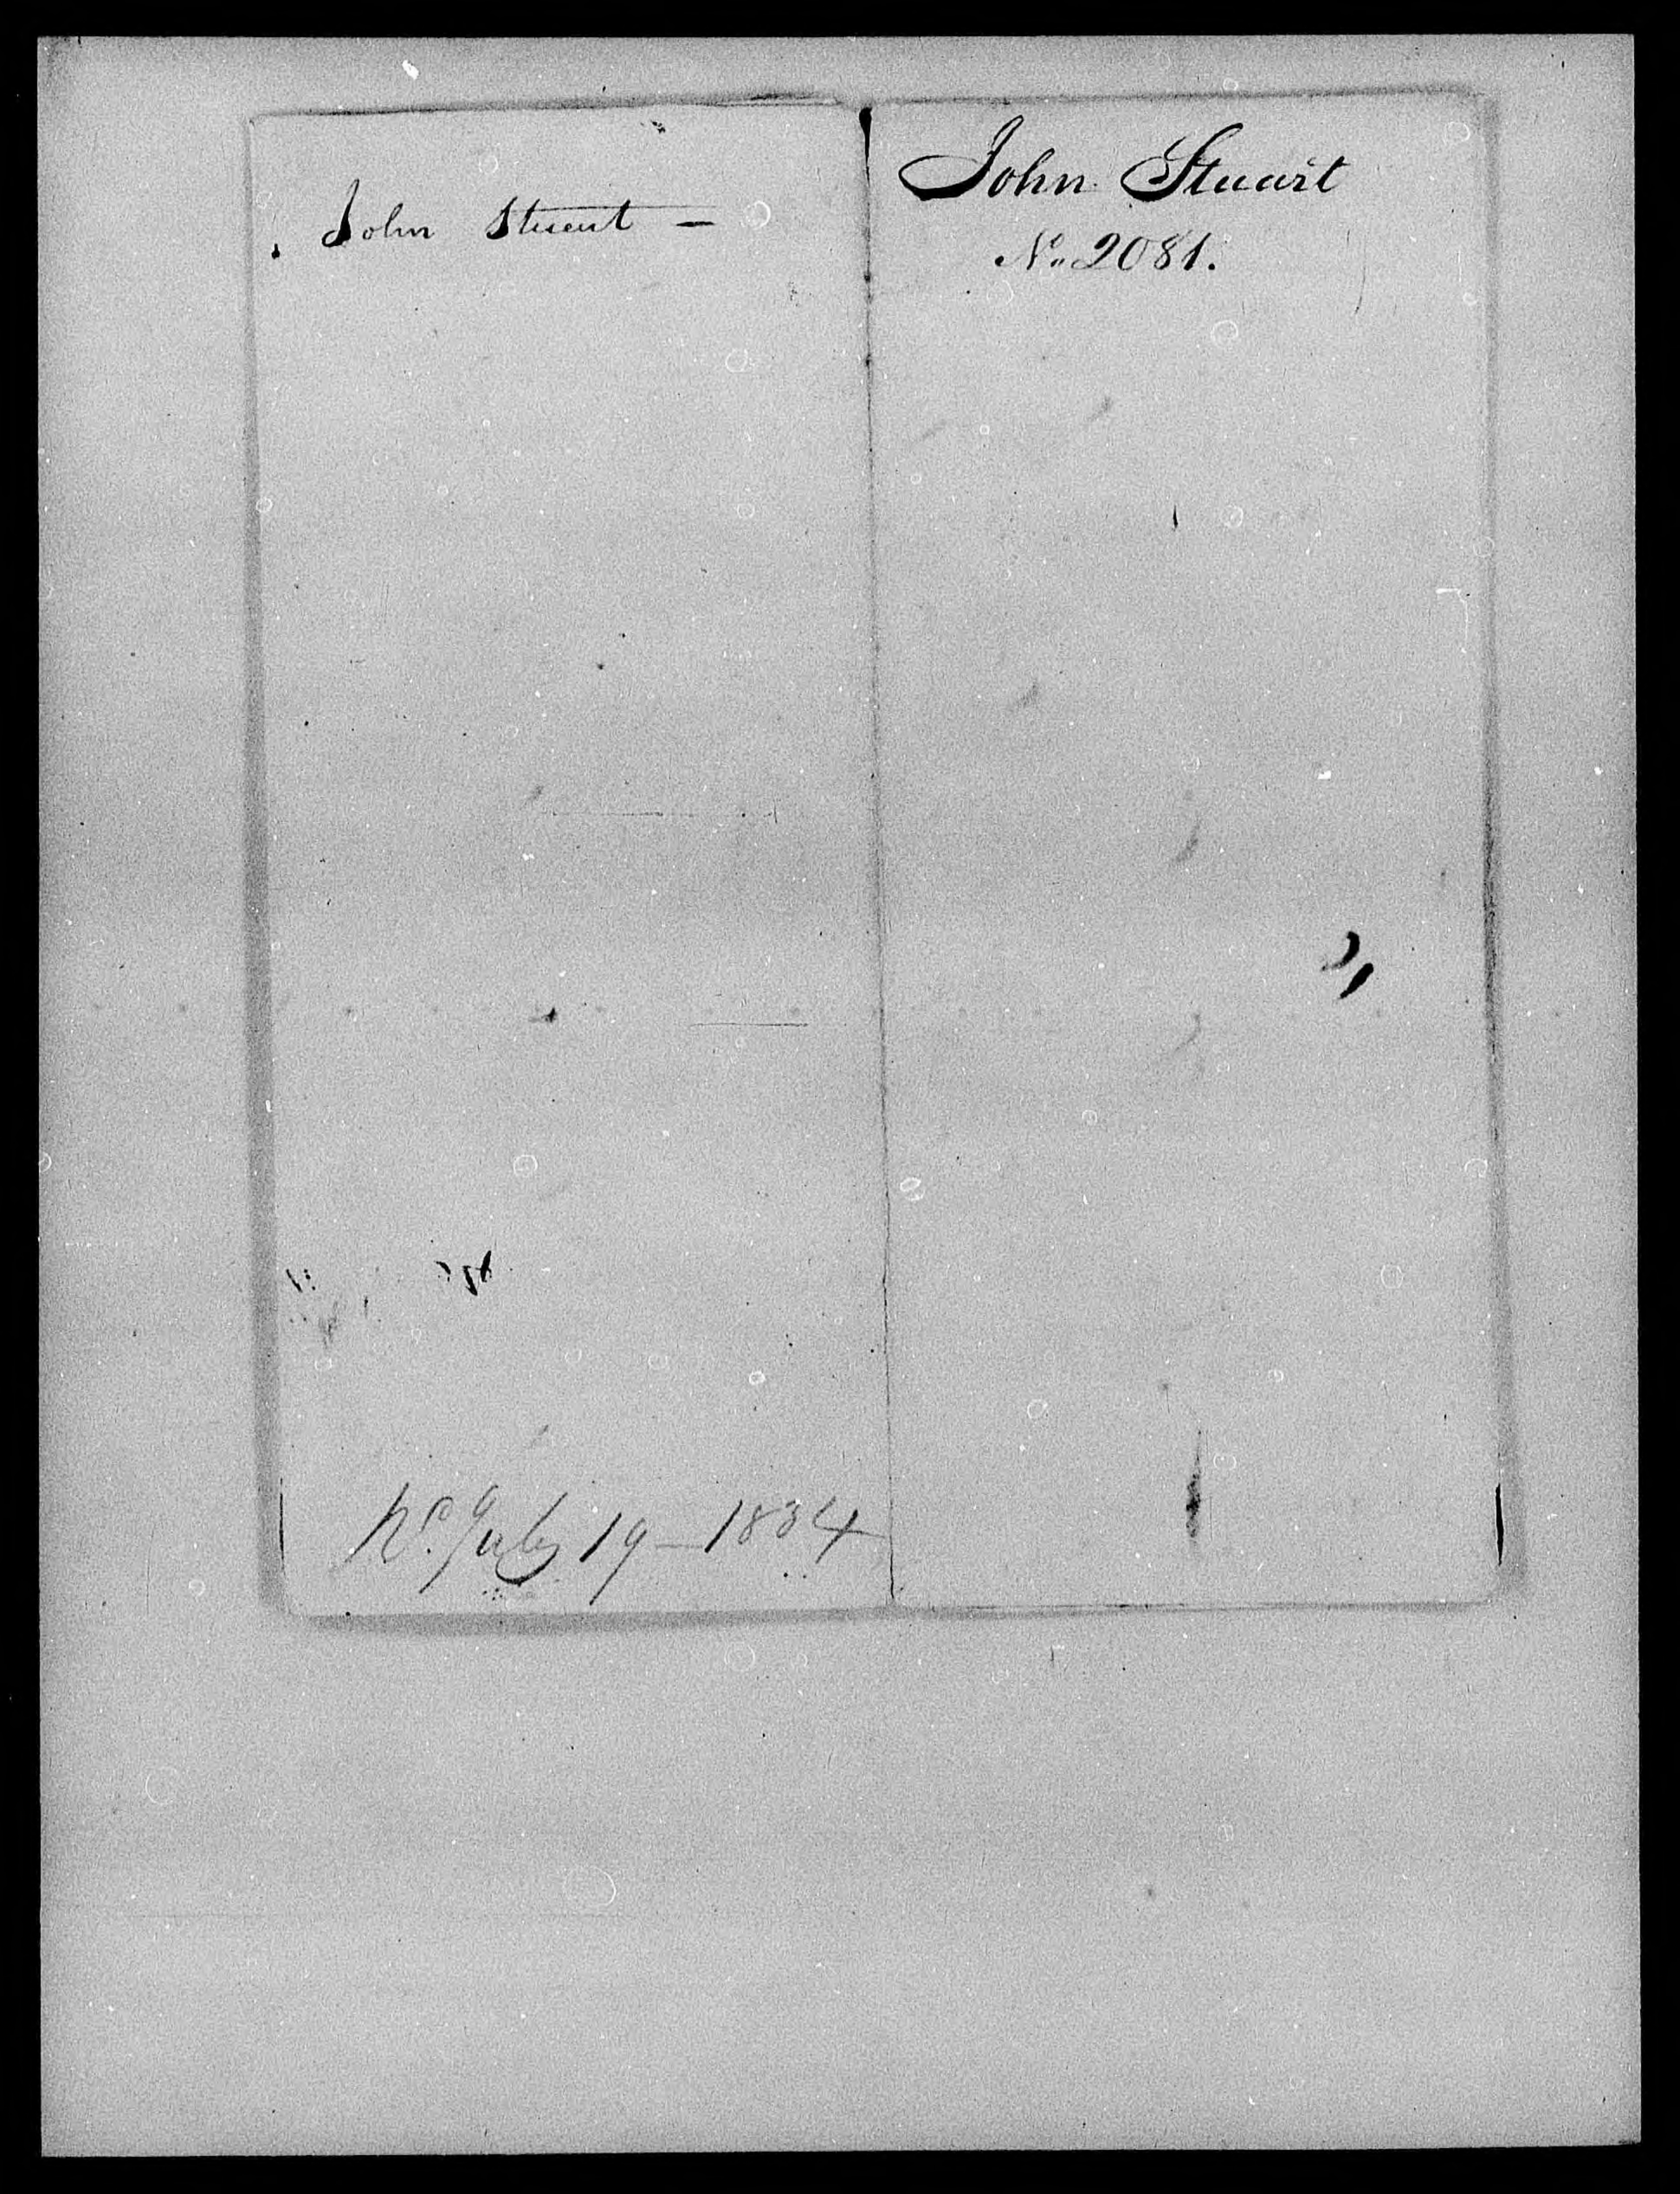John Stuart -


[illegible - Re.] July 19 1834


John Stuart
No 2081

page: 8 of 9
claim: bounty land warrant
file: B. L. Wt. 2081-100, for John Stuart, Delaware